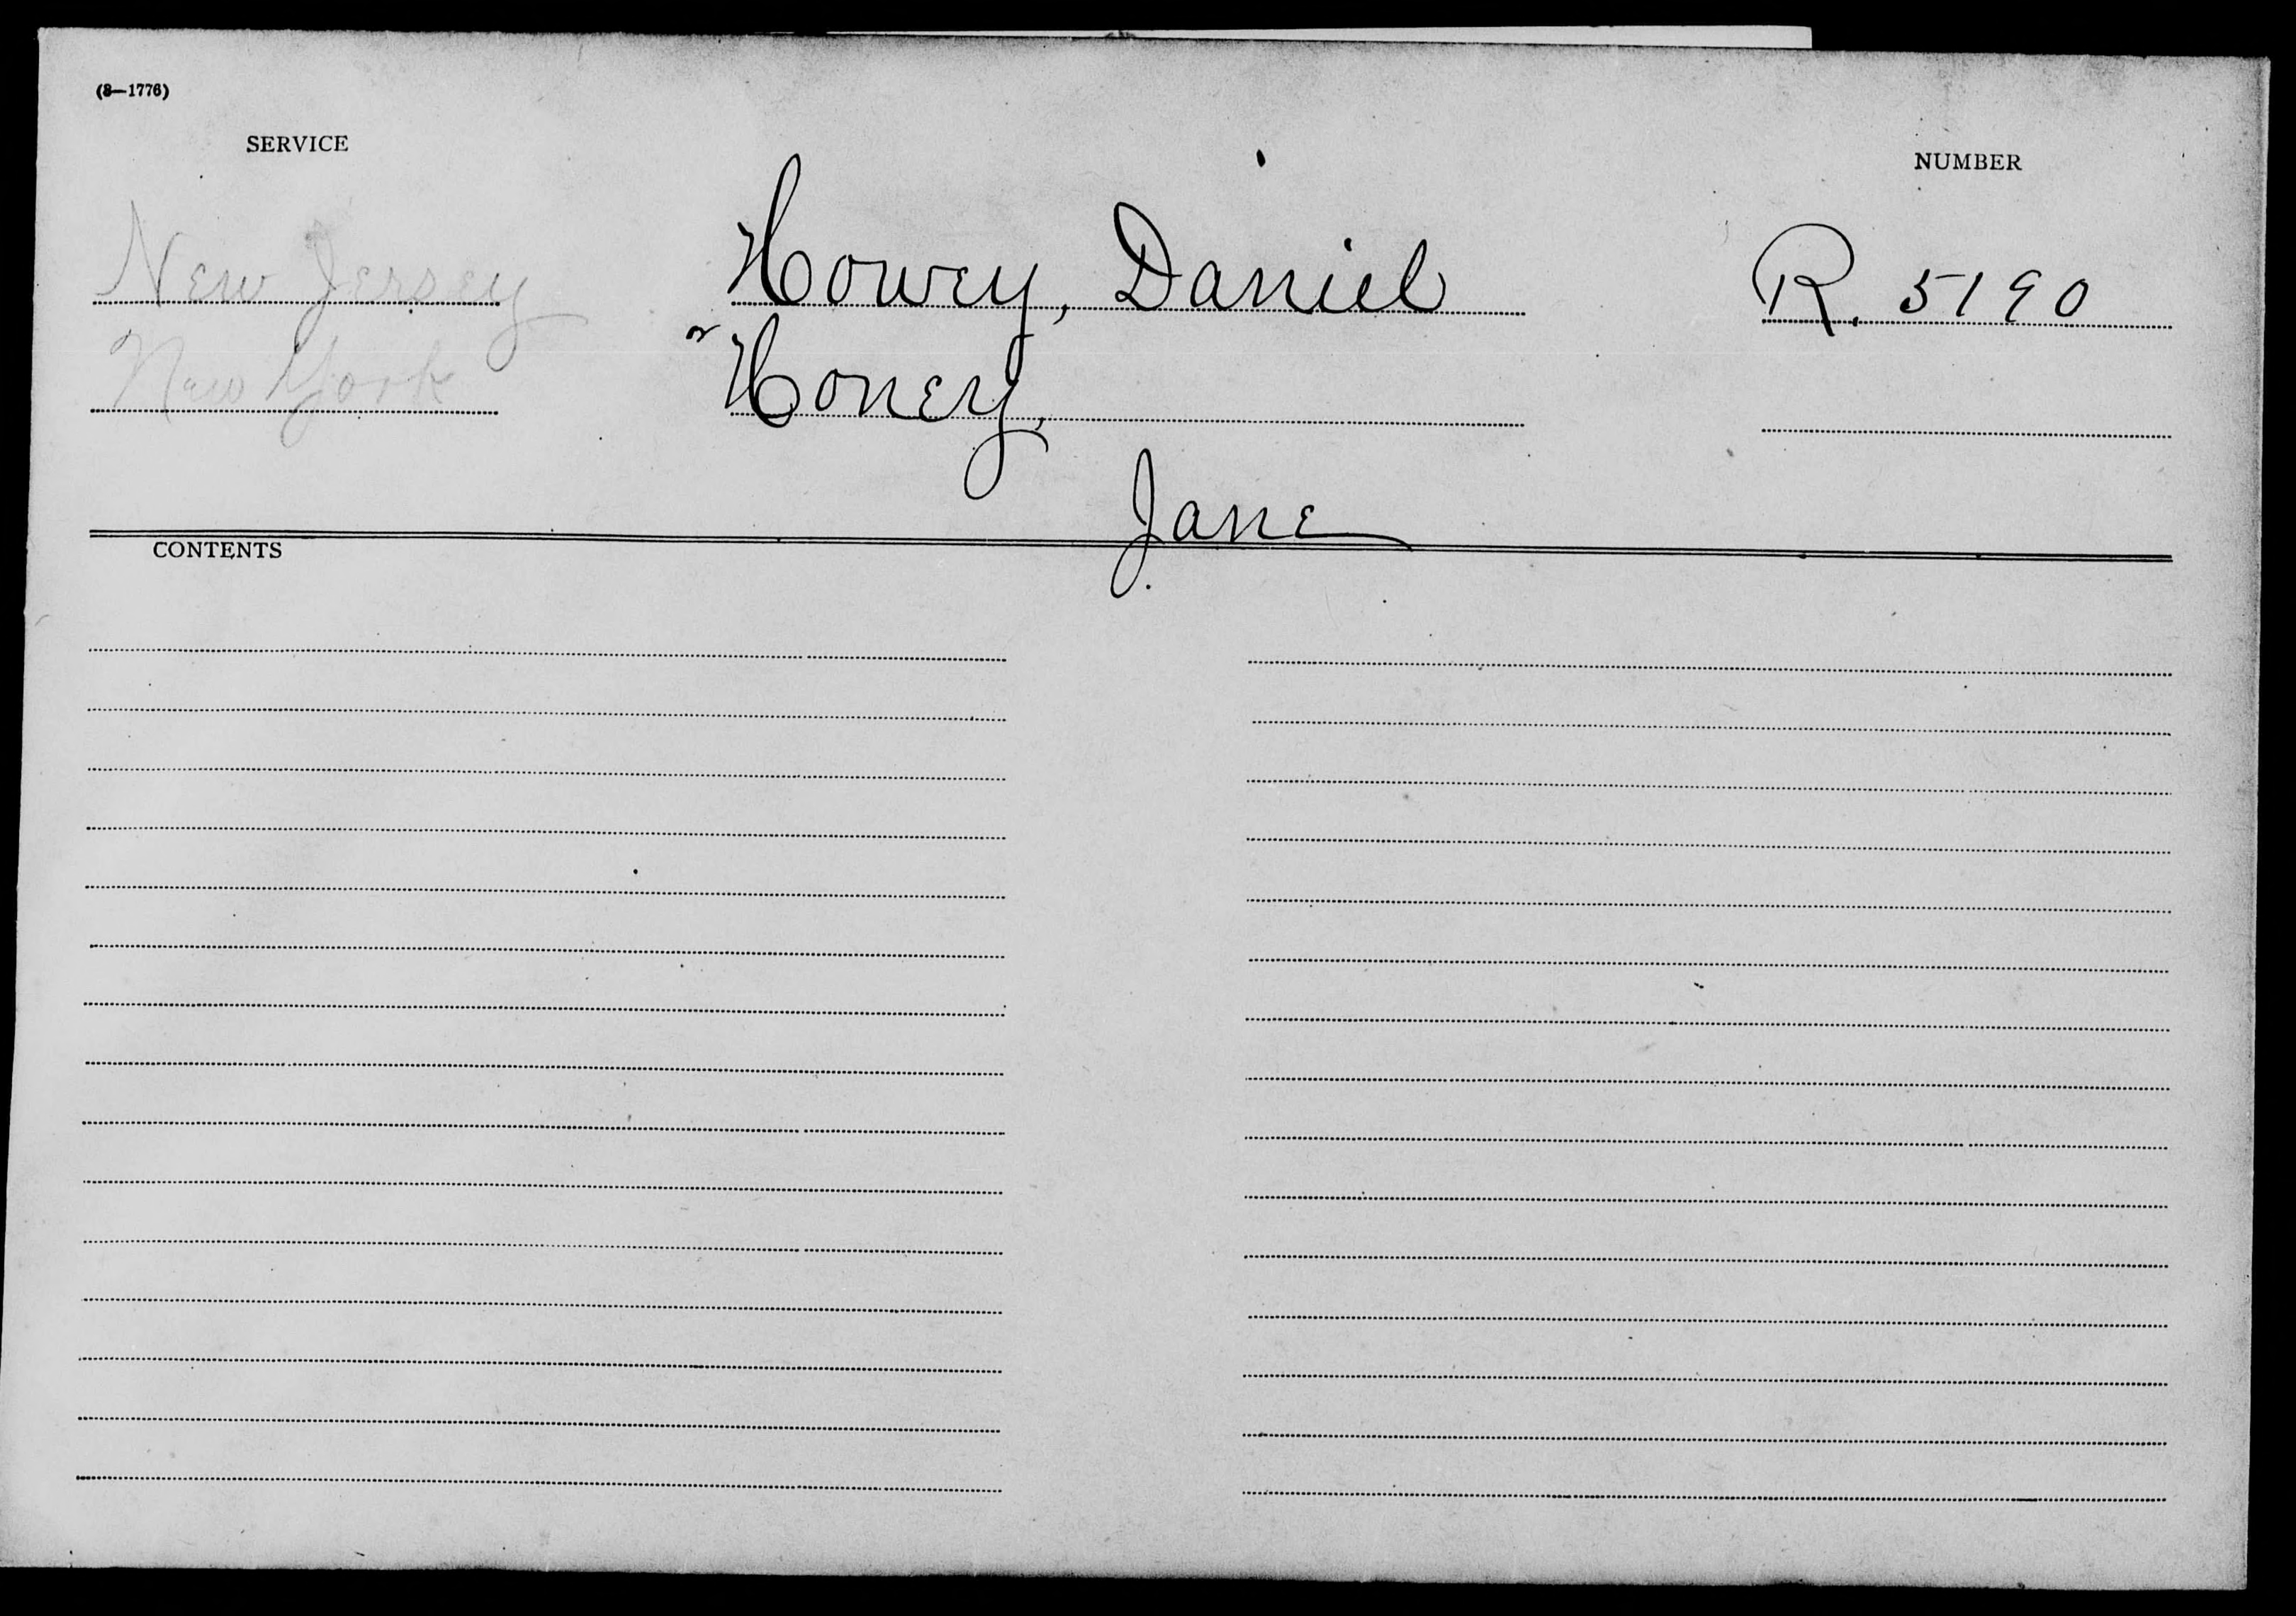New Jersey
New York
Howey, Daniel
Howey, Jane
R. 5190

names: Daniel Honey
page: 1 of 25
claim: rejected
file: R. 5190, Daniel Howey, New Jersey New York